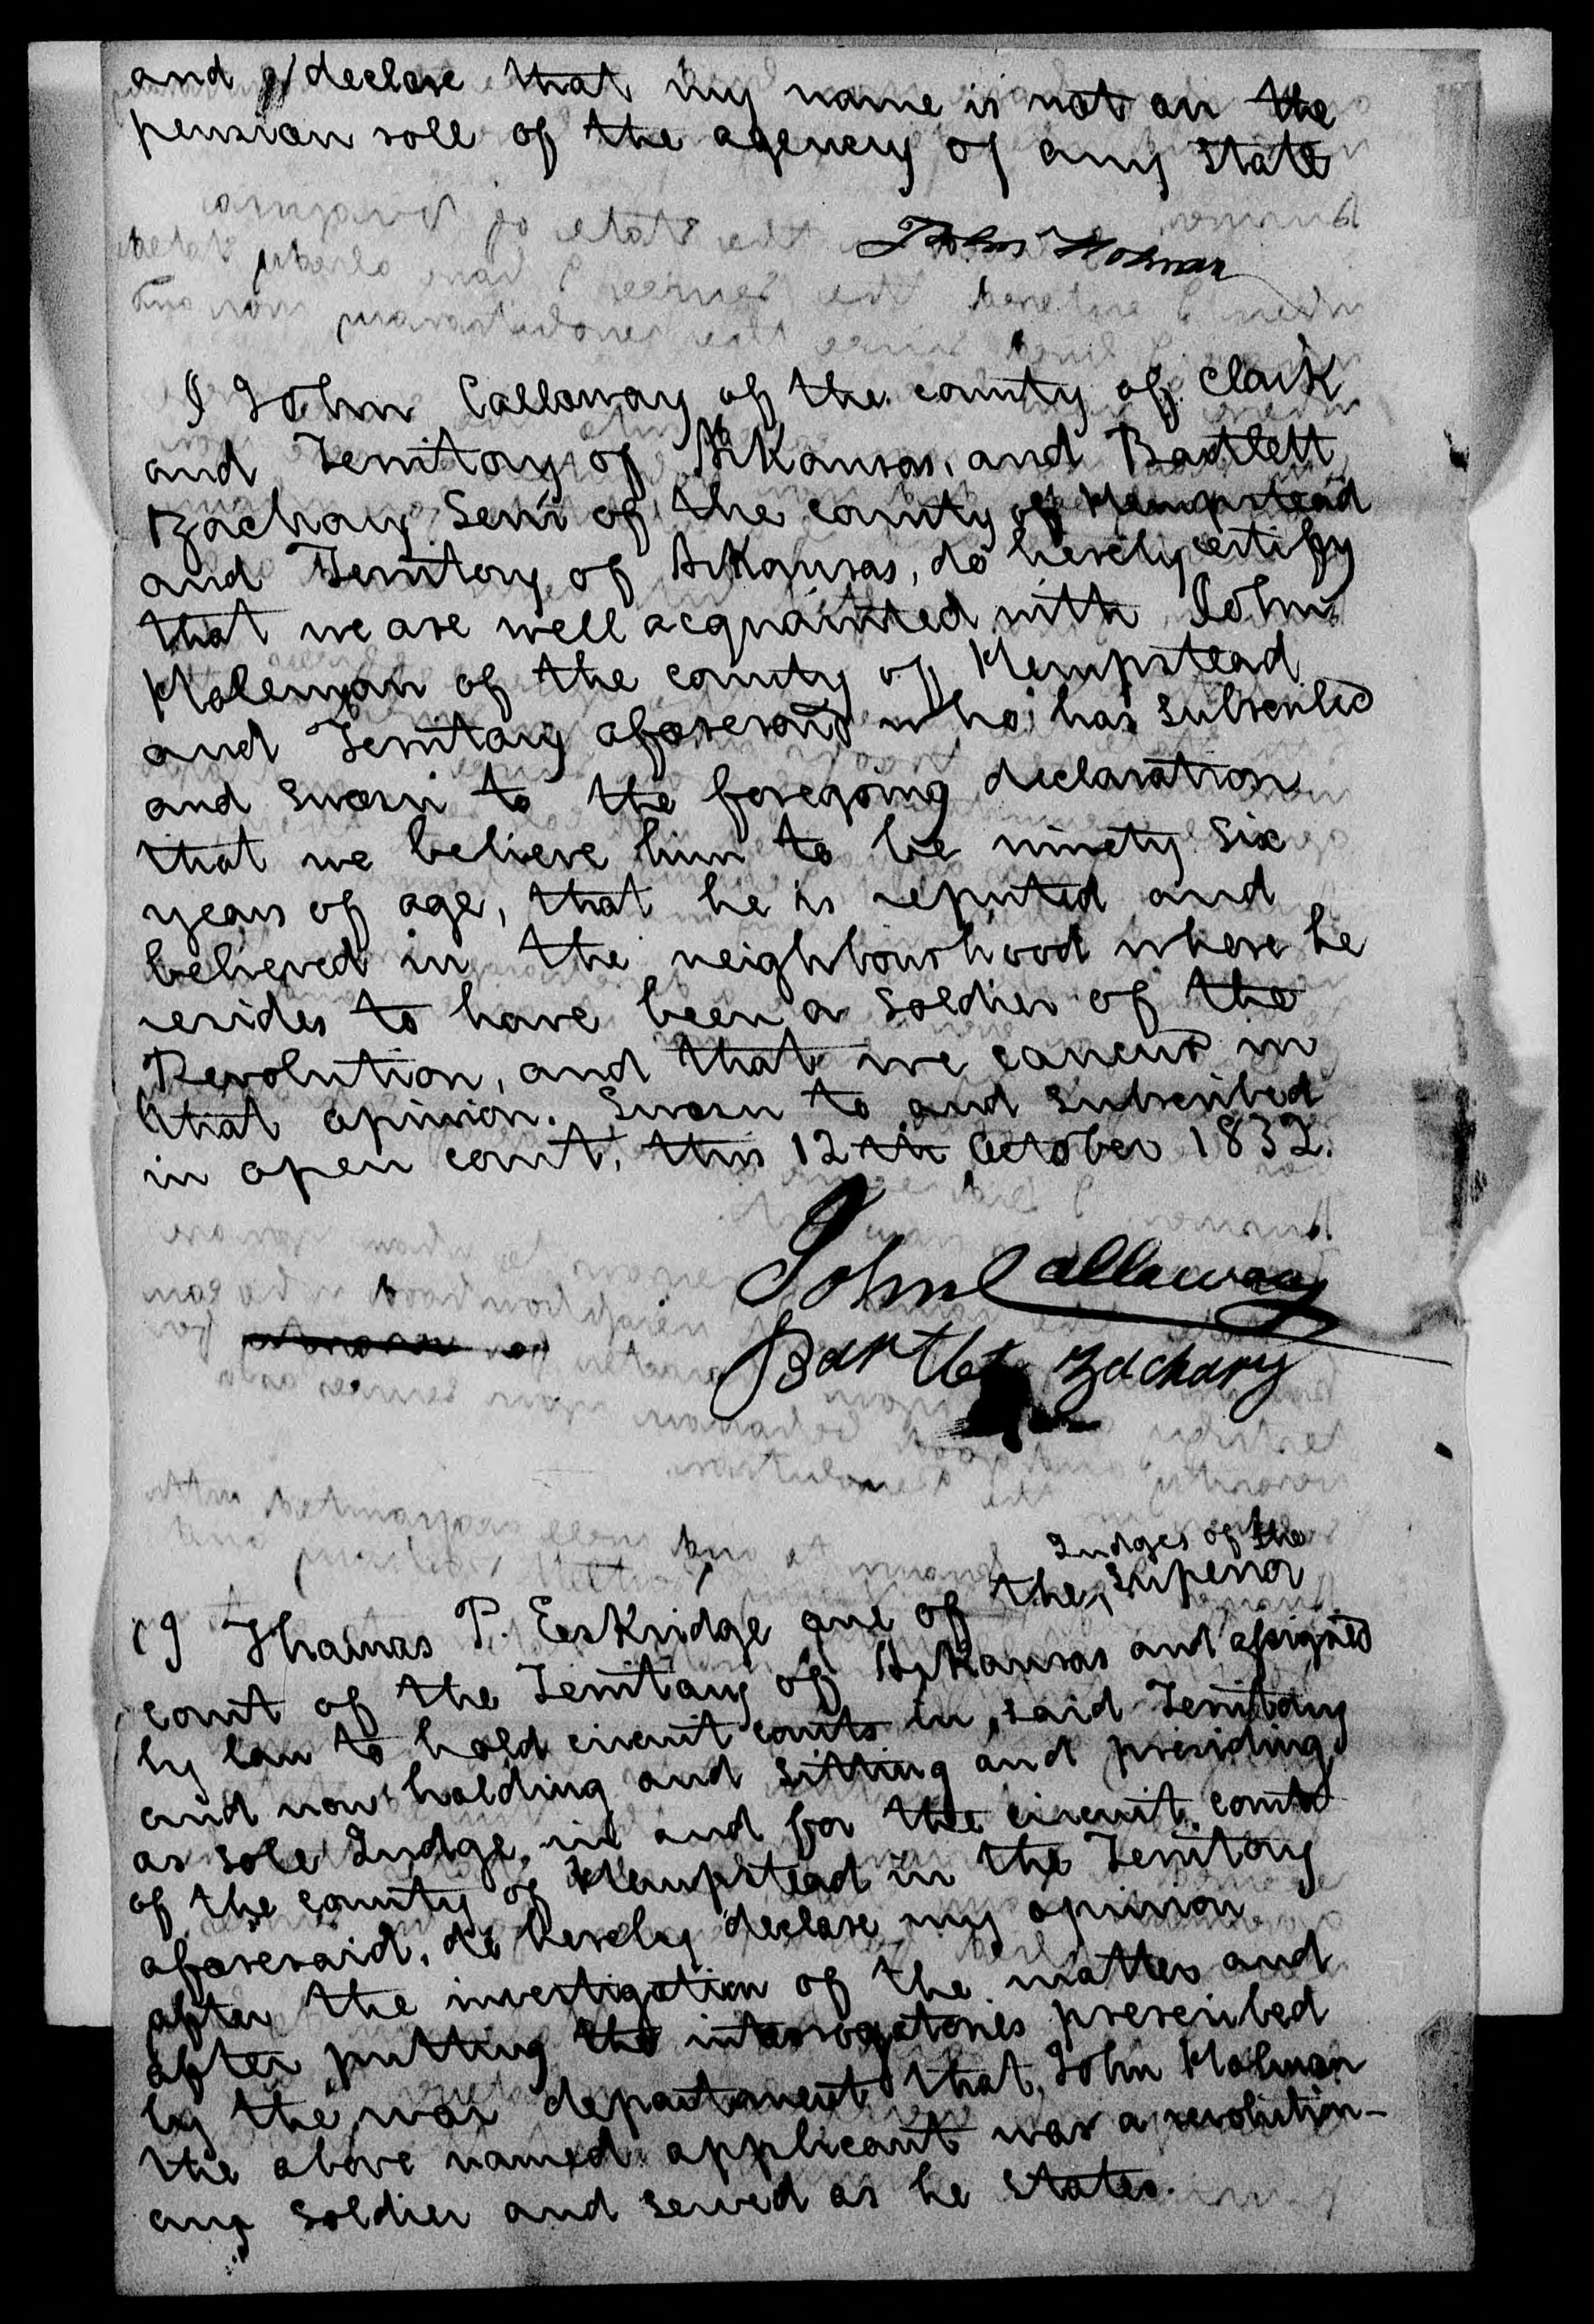and declare that my name is not on the pension roll of the agency of any state
John Holman
I John Callaway of the county of Clark and territory of Arkansas and Bartlett Zachary Senr of the county of Hampstead and Territory of Arkansas do hereby certify that we are well acquainted with John Holeman of the county of Hampstead and Territory aforesaid who has subscribed] and sworn to the foregoing declarations that we believe him to be ninety six years of age, that he is reputed and believed in the neighborhood where he resides to have been a soldier of the Revolution, and that we concur on that opinion. Sworn to and subscribed in open court this 12th October 1832.

John Callaway
Bartlet Zachary

I Thomas P. Eskridge one of the Judges of the Superior Court of the Territory of Arkansas and assigned by law to hold circuit courts in Land Territory and now holding and sitting and presiding as sole judge in and for the circuit court of the county of Hempstead in the Territory aforesaid, do hereby declare my opinion after the investigation of the matter and after putting the interrogatories prescribed by the war department, that John Holman the above named applicant was a revolutionary soldier and served as he states.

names: John Callaway, Thomas P Eskridge, John Haleman, John Holman, John Callaway, John Holman, Bartlett Zachary, Bartlet Zachary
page: 7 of 30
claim: survivor's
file: S. 31753, John Holman, Va.